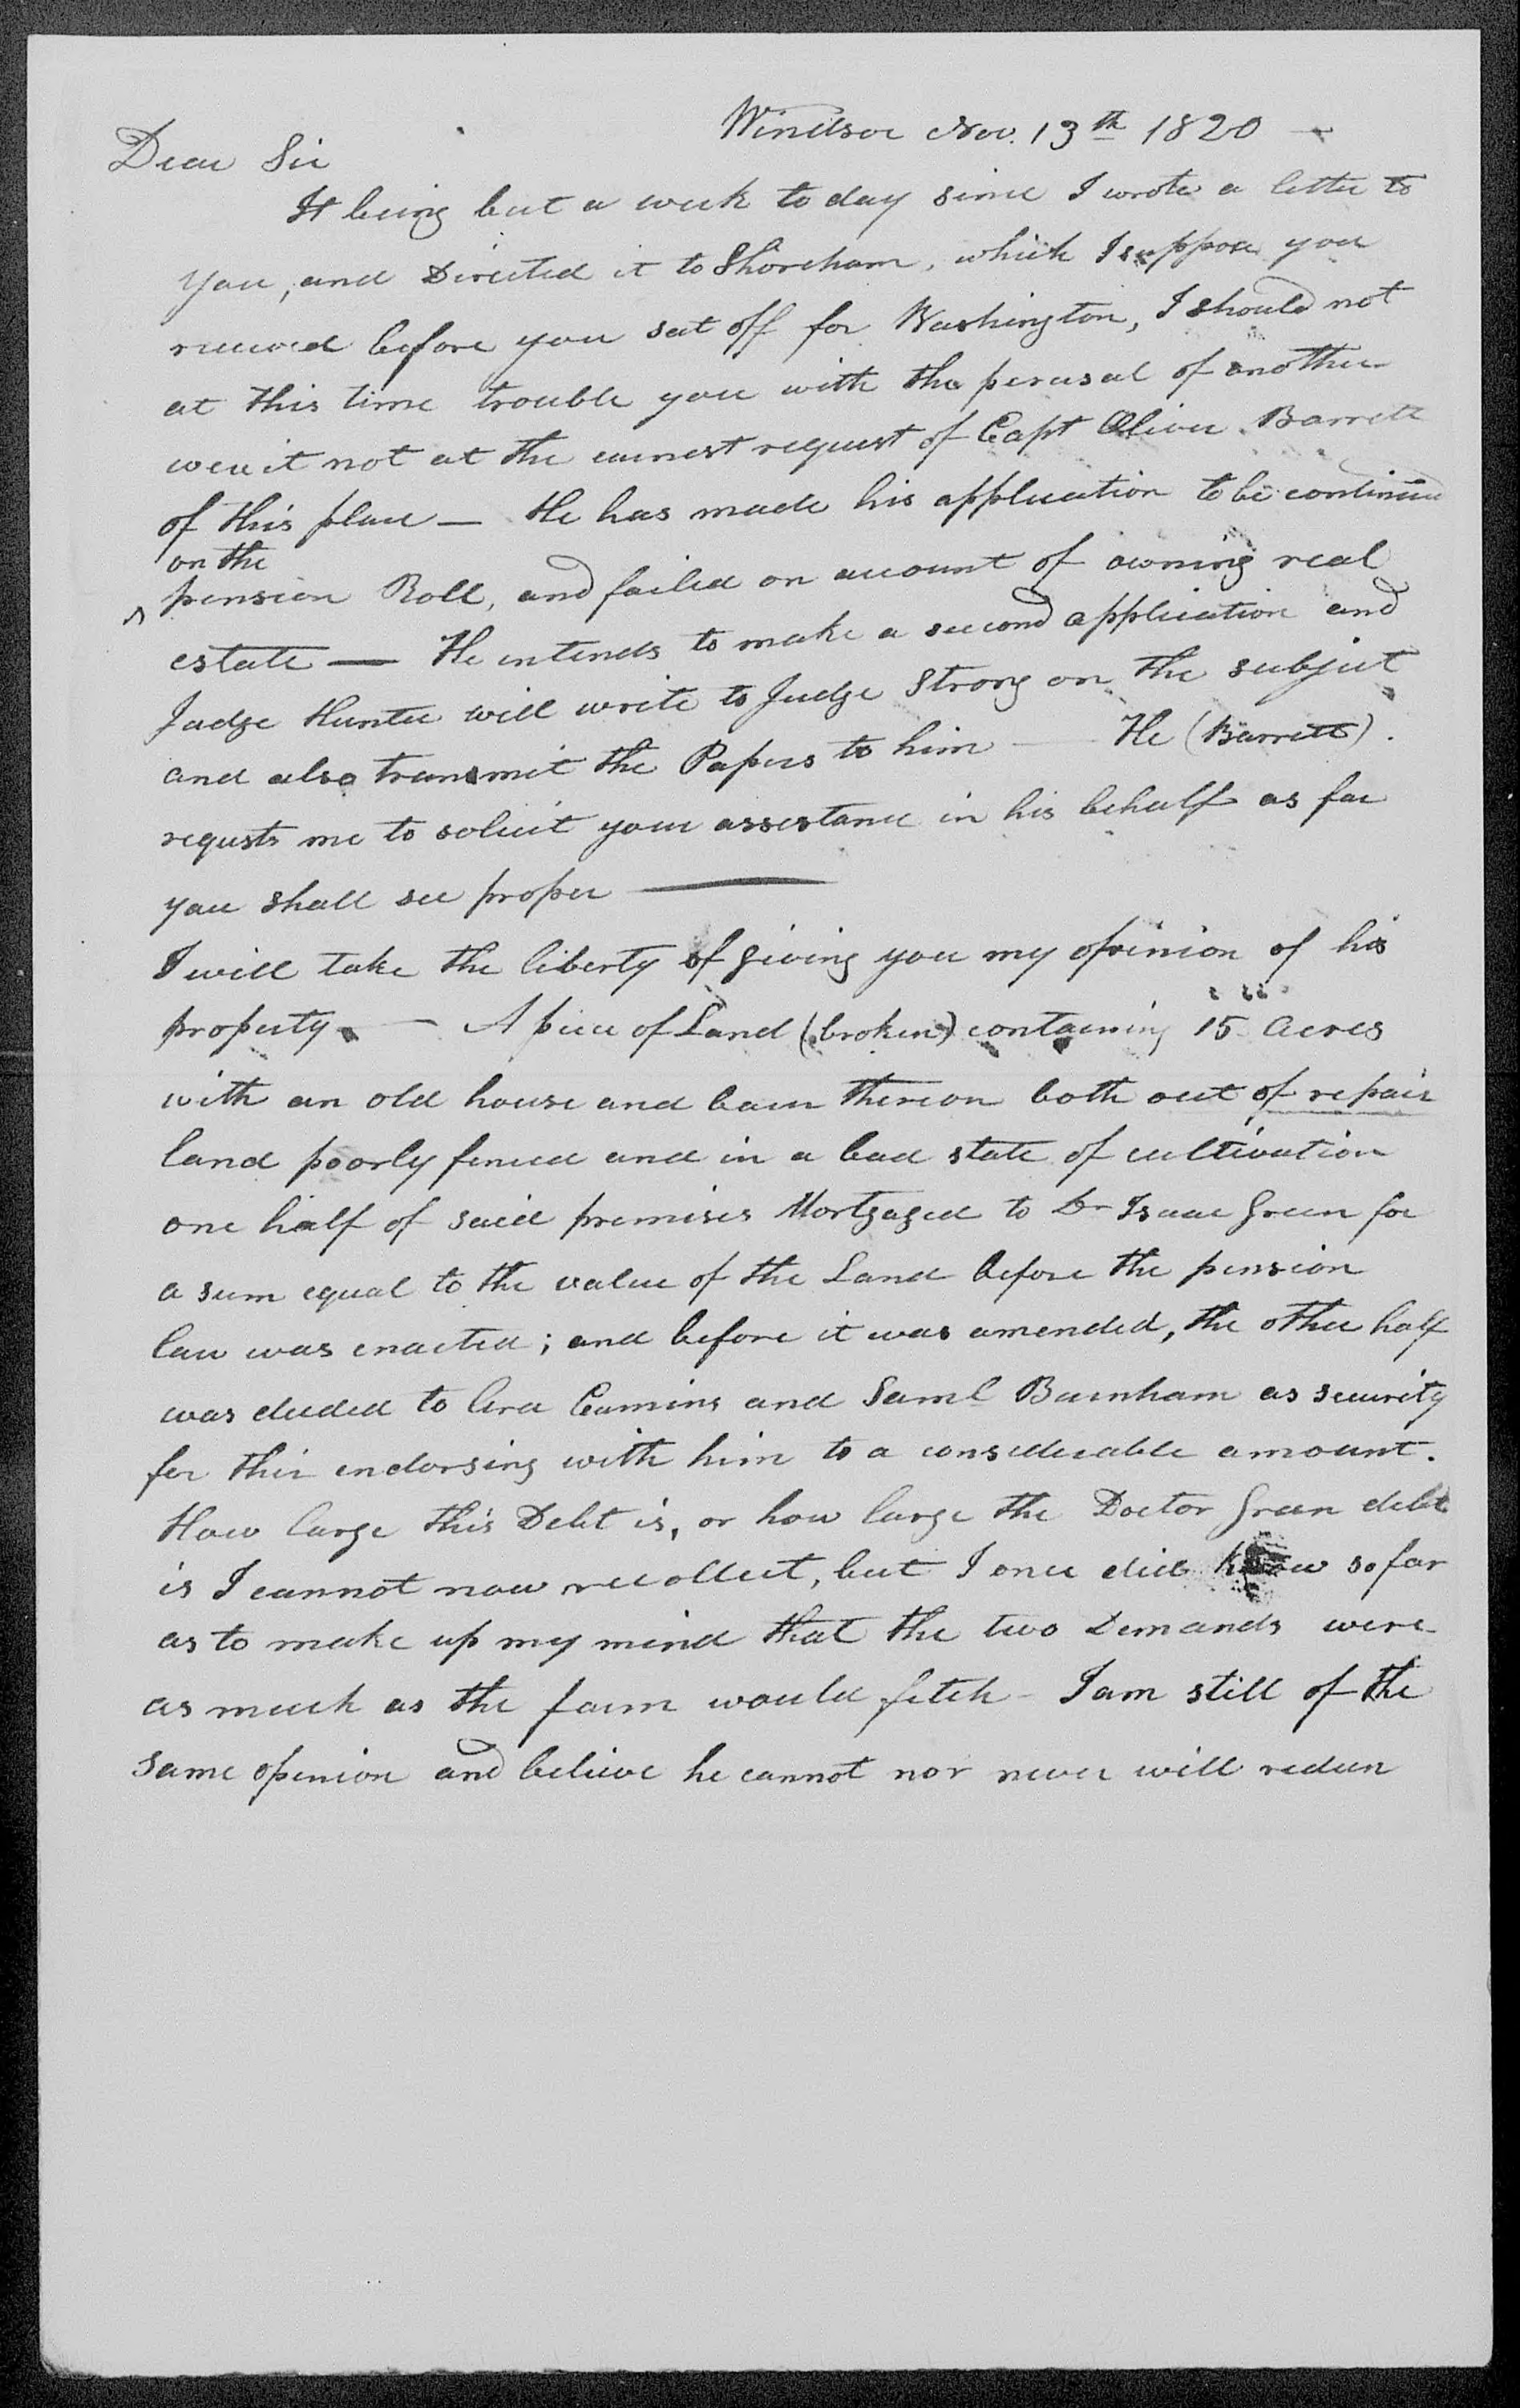Windsor Nov 13th 1820

Dear Sir
It being but a week today since I wrote a letter to you, and directed it to Shoreham which I suppose you received before you set off for Washington, I should not at this time trouble you with the perusal of another were it not at the earnest request of Capt Oliver Barrett of this place- He has made his application to be continued on the pension Roll, and failed on account of owing real estate. He intends to make a second application and Judge Hunter will write to Judge Strong on the subject and also transmit the Papers to him. He (Barrett) requests me to solicit your assistance in his behalf as far you shall see proper. 
I will take the liberty of giving you my opinion of his property. A piece of land (broken) containing 15 acres with an old house and barn thereon both out of repair land poorly fenced and in a bad state of cultivation. One half of said premises mortgaged to Dr. Isaac Green for a sum equal to the value of the Land before the pension law was enacted; and before it was amended, the other half was deeded to Asa Cummins and Saml Burnham as security for endorsing with him to a considerable amount. How large this debt is or how large the Doctor Green debt is I cannot now recollect, but I once did know so far as to make up my mind that the two demands were as much as the farm would fetch. I am still of the same opinion and believe he cannot nor never will redeem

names: Oliver Barrett, Hunter, Ara Cumins, Saml Burnham, Barrett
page: 20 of 83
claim: widow's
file: W. 10,384, Oliver Barrett, Continental (Vt.) N.Y.